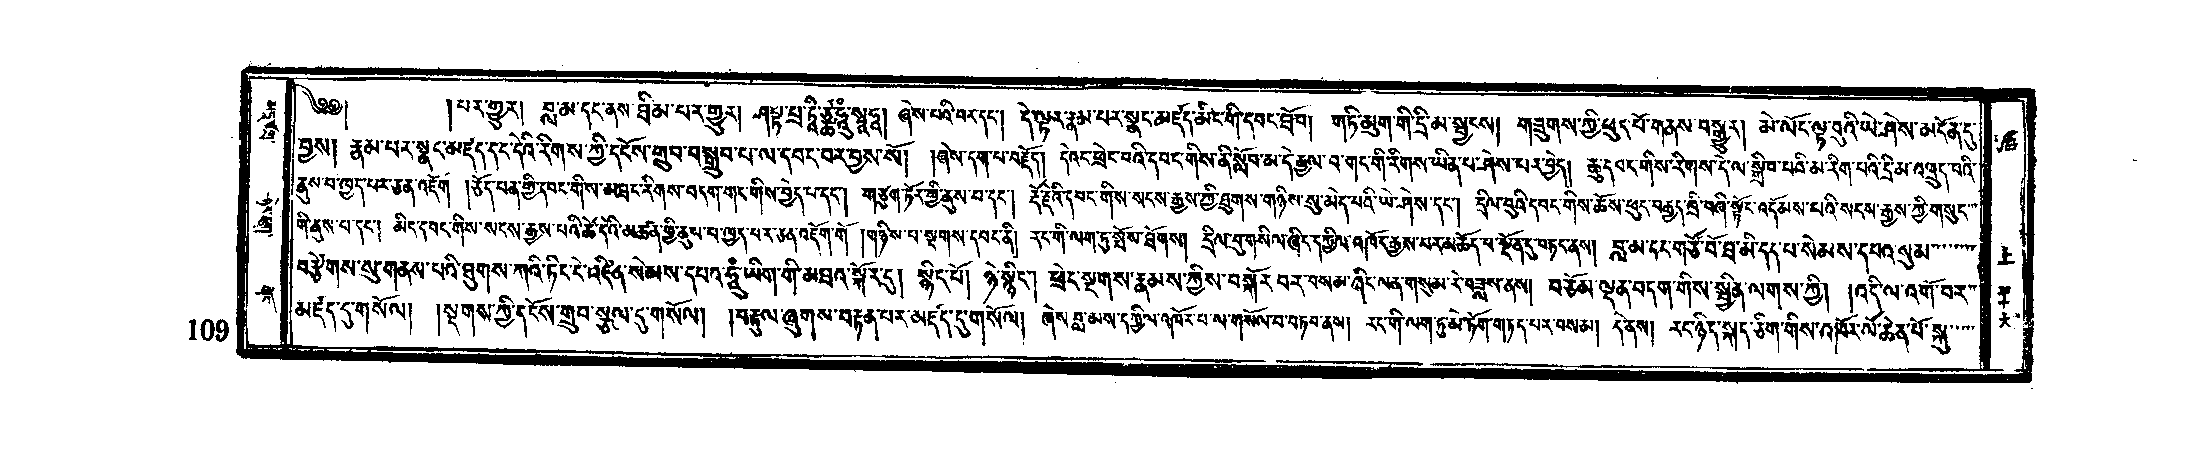༄༅། །པར་གྱུར། བླ་མ་དང་ནས་ཐིམ་པར་གྱུར། ཤཔྟ་པྲ་ཏཱི་ཙྪ་ཧཱུཾ་སྭཱཧཱ། ཞེས་པའི་བར་དང་། དེ་ལྟར་རྣམ་པར་སྣང་མཛད་མིང་གི་དབང་ཐོབ། གཏི་མུག་གི་དྲི་མ་སྦྱངས། གཟུགས་ཀྱི་ཕུང་པོ་གནས་བསྒྱུར། མེ་ལོང་ལྟ་བུའི་ཡེ་ཤེས་མངོན་དུ་
བྱས། རྣམ་པར་སྣང་མཛད་དང་དེའི་རིགས་ཀྱི་དངོས་གྲུབ་བསྒྲུབ་པ་ལ་དབང་བར་བྱས་སོ། །ཞེས་དག་པ་བརྗོད། དེའང་ཕྲེང་བའི་དབང་གིས་ནི་སློབ་མ་དེ་རྒྱལ་བ་གང་གི་རིགས་ཡིན་པ་ཤེས་པར་བྱེད། ཆུ་དབང་གིས་རིགས་དེ་ལ་སྒྲིབ་པའི་མ་རིག་པའི་དྲི་མ་འཁྲུད་པའི་
ནུས་པ་ཁྱད་པར་ཅན་འཇོག །ཅོད་པན་གྱི་དབང་གིས་མཐང་རིགས་བདག་གང་གིས་བྱེད་པ་དང་། གཙུག་ཏོར་གྱི་ནུས་པ་དང་། རྡོ་རྗེའི་དབང་གིས་སངས་རྒྱས་ཀྱི་ཐུགས་གཉིས་སུ་མེད་པའི་ཡེ་ཤེས་དང་། དྲིལ་བུའི་དབང་གིས་ཆོས་ཕུང་བརྒྱད་ཁྲི་བཞི་སྟོང་འདོམས་པའི་སངས་རྒྱས་ཀྱི་གསུང་
གི་ནུས་པ་དང་། མིང་དབང་གིས་སངས་རྒྱས་པའི་ཚེ་དེའི་མཚན་གྱི་ནུས་པ་ཁྱད་པར་ཅན་འཇོག་གོ །གཉིས་པ་སྔགས་དབང་ནི། རང་གི་ལག་ཏུ་སྤོས་ཐོགས། དྲིལ་བུ་གསིལ་ཞིང་དཀྱིལ་འཁོར་རྒྱས་པར་མཆོད་པ་སྔོན་དུ་བཏང་ནས། བླ་མ་དང་གཙོ་བོ་ཐ་མི་དད་པ་སེམས་དཔའ་སུམ་
བརྩེགས་སུ་གནས་པའི་ཐུགས་ཀའི་ཏིང་ངེ་འཛིན་སེམས་དཔའ་ཧཱུཾ་ཡིག་གི་མཐའ་སྐོར་དུ། སྙིང་པོ། ཉེ་སྙིང་། ཕྲེང་སྔགས་རྣམས་ཀྱིས་བསྐོར་བར་བསམ་ཞིང་ལན་གསུམ་རེ་བཟླས་ནས། བཅོམ་ལྡན་བདག་གིས་སྦྱིན་ལགས་ཀྱི། །འདི་ལ་འགོ་བར་
མཛད་དུ་གསོལ། །སྔགས་ཀྱི་དངོས་གྲུབ་སྩལ་དུ་གསོལ། །བརྟུལ་ཞུགས་བརྟན་པར་མཛད་དུ་གསོལ། ཞེས་བླ་མས་དཀྱིལ་འཁོར་པ་ལ་གསོལ་བ་བཏབ་ནས། རང་གི་ལག་ཏུ་མེ་ཏོག་གཏད་པར་བསམ། དེ་ནས། རང་ཉིད་སྐད་ཅིག་གིས་འཁོར་ལོ་ཆེན་པོ་སྐུ་